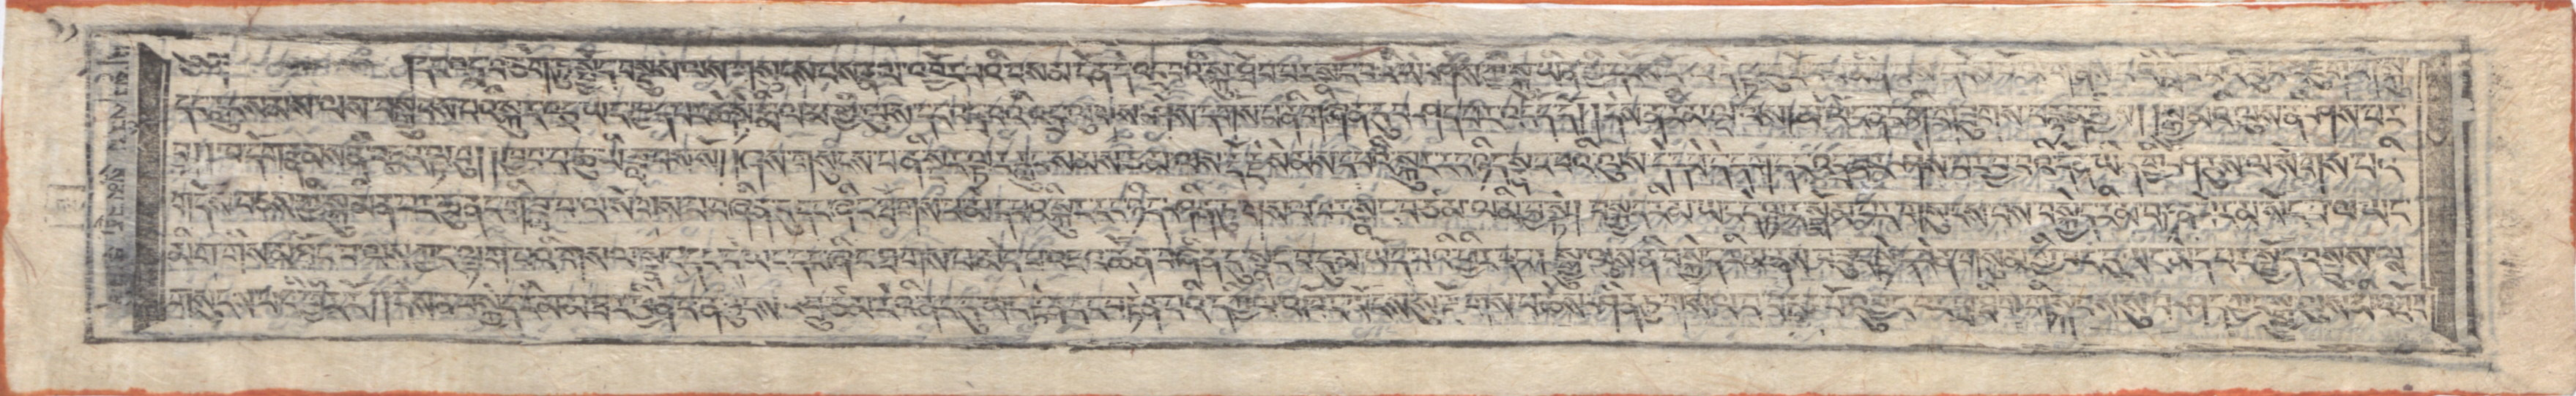༄༅། །དང་འདྲ་བ་ཅིག་ཏུ་སྤྱོད་བསྡུས་ལས་གསུངས་པས་རྣལ་འབྱོར་བའི་བསམ་དོན་དེ་འདྲ་བའི་སྐུ་ཐོབ་པར་སྣང་བའི་ཡེ་ཤེས་ཀྱི་སྐུ་ཡིན་གྱི་དངོས་པོ་ལ་དེ་ལྟ་བུ་ཐོང་བ་མིན་པས་དངོས་པོ་ལ་གནས་པའི་སློབ་པའི་ཟུང་འཇུག་གི་སྐུ་
དང་རླུང་སེམས་ལས་བསྒྲུབས་པའི་སྐུར་འདྲ་ཡང་ཁྱད་པར་ཆེ་སྟེ་རྨི་ལམ་གྱི་ལུས་དང་འདྲ་བའི་འདྲ་ལུགས་ཤེས་དགོས་པ་ནི་གཞན་དུ་བཤད་པར་འདོད་དོ། །དེས་ན་རིམ་ལྔ་ལས། མེ་ལོང་ནང་གི་གཟུགས་བརྙན་གྱིས། །སྒྱུ་མའི་ལུས་ནི་ཤས་པར་
བྱ། །ཁ་དོག་རྣམས་ནི་འཇའ་ལྟ་བུ། །ཁྱབ་པ་ཆུ་ཡི་ཟླ་བས་སོ། །ཞེས་གསུངས་པ་ནི་སྔར་ལྟར་རླུང་སེམས་ཙམ་ལས་རྡོ་རྗེ་སེམས་དཔའི་སྐུར་རང་ཉིད་སྣང་བའི་ལུས་དེ་དཔེ་དེ་དག་དང་འདྲ་བར་ཤེས་པར་བྱ་བའི་དོན་ཡིན་གྱི་ཤ་རུས་ལ་སོགས་པའི་
གདོས་བཅས་ཀྱི་སྐུ་མིན་པར་ཆུ་ནང་གི་ཟླ་བ་ལ་སོགས་པ་བཞིན་དུ་དང་ཞིང་ཐོགས་པ་མེད་པའི་སྐུར་རང་ཉིད་ཤིན་ཏུ་གསལ་བར་སྣང་བ་ཙམ་ལ་མི་བྱ་སྟེ། བསྐྱེད་རིམ་ཡང་དེ་ལྟར་སྒོམ་པར་གསུངས་པས་བསྐྱེད་རིམ་བརྟན་པོར་མ་སོང་བ་ལ་ཡང་
མིག་གིས་མཐོང་བ་ལས་ཀྱང་ལྷག་པའི་གསལ་སྣང་དང་དེ་ཡང་དང་ཞིང་ཐོགས་པ་མེད་པ་འཇའ་ཚོན་བཞིན་དུ་སྣང་བ་དུ་མ་ཡོད་པའི་ཕྱིར་དང་། སྒྱུ་ལུས་ནི་བསྐྱེད་རིམ་ནས་བཟུང་སྟེ་དབེན་གསུམ་གྱི་བར་དུ་ཡང་མེད་པར་སྤྱོད་བསྡུས་ལས་
གསུང་སྤའི་ཕྱིར་རོ། །དེས་ན་བསྐྱེད་རིམ་མཐར་ཕྱིན་པ་ན་ཉུངས་འབྲུ་ཙམ་རེའི་ནང་དུ་ཡང་རྟེན་དང་བརྟེན་པའི་དཀྱིལ་འཁོར་ཡོངས་སུ་རྫོགས་པ་ཆེས་ཤིན་ཏུ་གསལ་བ་བརྟན་པོ་འབྱུང་བར་ཕྲ་ཐིག་གི་སྐབས་སུ་བཤད་ཀྱང་སྒྱུ་ལུས་མི་འཐོབ་